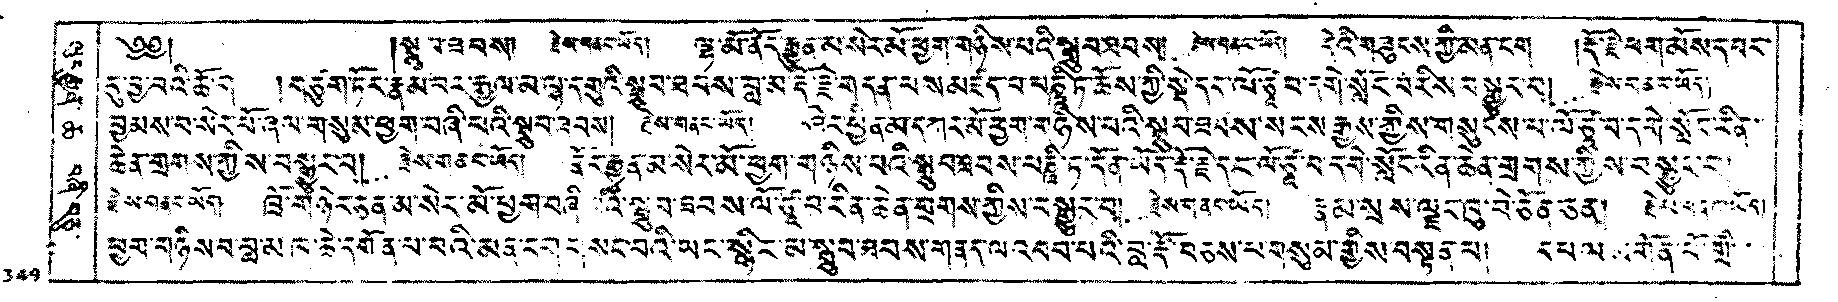༄༅། །སྒྲུབ་ཐབས། རྗེས་གནང་ཡོད།  ལྷ་མོ་ནོར་རྒྱུན་མ་སེར་མོ་ཕྱག་གཉིས་པའི་སྒྲུབ་ཐབས། རྗེས་གནང་ཡོད།  དེའི་གཟུངས་ཀྱི་མན་ངག །རྡོ་རྗེ་ཕག་མོས་དབང་
དུ་བྱ་བའི་ཆོ་ག །གཙུག་ཏོར་རྣམ་པར་རྒྱལ་མ་ལྷ་དགུའི་སྒྲུབ་ཐབས་བླ་མ་རྡོ་རྗེ་གདན་པས་མཛད་པ་པཎྜི་ཏ་ཆོས་ཀྱི་སྡེ་དང་ལོ་ཙཱ་བ་དགེ་སློང་བ་རིས་བསྒྱུར་བ། རྗེས་གནང་ཡོད།
བྱམས་པ་སེར་པོ་ཞལ་གསུམ་ཕྱག་བཞི་པའི་སྒྲུབ་ཐབས། རྗེས་གནང་ཡོད།  ཤེར་ཕྱིན་མ་དཀར་མོ་ཕྱག་གཉིས་པའི་སྒྲུབ་ཐབས་སངས་རྒྱས་ཀྱིས་གསུངས་པ་ལོ་ཙཱ་བ་དགེ་སློང་རིན་
ཆེན་གྲགས་ཀྱིས་བསྒྱུར་བ། རྗེས་གནང་ཡོད།  ནོར་རྒྱུན་མ་སེར་མོ་ཕྱག་གཉིས་པའི་སྒྲུབ་ཐབས་པཎྜི་ཏ་དོན་ཡོད་རྡོ་རྗེ་དང་ལོ་ཙཱ་བ་དགེ་སློང་རིན་ཆེན་གྲགས་ཀྱིས་བསྒྱུར་བ།
རྗེས་གནང་ཡོད།  ཁྲོ་གཉེར་ཅན་མ་སེར་མོ་ཕྱག་བཞི་པའི་སྒྲུབ་ཐབས་ལོ་ཙཱ་བ་རིན་ཆེན་གྲགས་ཀྱིས་བསྒྱུར་བ། རྗེས་གནང་ཡོད།  རྣམ་སྲས་ལྗང་ཁུ་བེ་ཅོན་ཅན། རྗེས་གནང་ཡོད།
ཕྱག་གཉིས་པ་བླ་མ་ཁ་ཆེ་དགོན་པ་བའི་མན་ངག་གསང་བའི་ཡང་སྙིང་མ་སྒྲུབ་ཐབས་གནད་ལ་འབབ་པའི་བླ་རྡོ་བཅས་པ་གསུམ་གྱིས་བསྟན་པ། དཔལ་མགོན་པོ་གྲི་